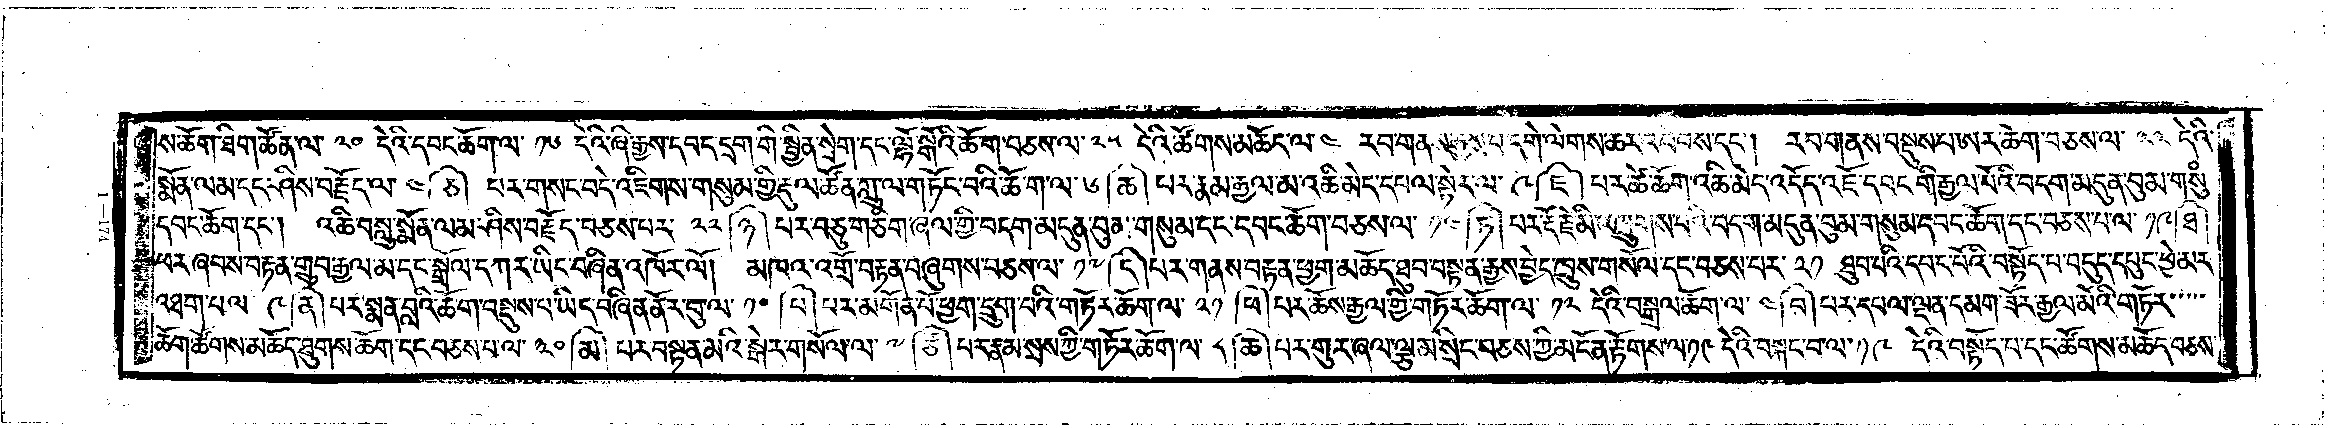ས་ཆོག་ཐིག་ཚོན་ལ ༢༠་དེའི་དབང་ཆོག་ལ ༡༦་དེའི་ཞི་རྒྱས་དབང་དྲག་གི་སྦྱིན་སྲེག་དང་ལྷོ་སྒོའི་ཆོག་བཅས་ལ ༢༥་དེའི་ཚོགས་མཆོད་ལ ༤་རབ་གནས་རྒྱས་པ་དགེ་ལེགས་ཆར་འབེབས་དང་། རབ་གནས་བསྡུས་པ་ཨར་ཆེག་བཅས་ལ ༣༣་དེའི་
སྨོན་ལམ་དང་ཤིས་བརྗོད་ལ ༤ ༼ཅ༽ པར་གསང་བདེ་འཇིགས་གསུམ་གྱི་རྡུལ་ཚོན་ཀླུ་ལ་གཏོང་བའི་ཆོ་ག་ལ ༦ ༼ཆ༽ པར་རྣམ་རྒྱལ་མ་འཆི་མེད་དཔལ་སྟེར་ལ ༩ ༼ཇ༽ པར་ཚེ་ཆོག་འཆི་མེད་འདོད་འཇོ་དབང་གི་རྒྱལ་པོའི་བདག་མདུན་བུམ་གསུཾ་
དབང་ཆོག་དང་། འཆི་བསླུ་སྨོན་ལམ་ཤིས་བརྗོད་བཅས་པར ༢༢ ༼ཉ༽ པར་བཅུ་གཅིག་ཞལ་གྱི་བདག་མདུན་བུམ་གསུམ་དང་དབང་ཆོག་བཅས་ལ ༡༤ ༼ཏ༽ པར་རྡོ་རྗེ་མི་འཁྲུགས་པའི་བདག་མདུན་བུམ་གསུམ་དབང་ཆོག་དང་བཅས་པ་ལ ༡༩ ༼ཐ༽
ཕར་ཞབས་བརྟན་གྲུབ་རྒྱལ་མ་དང་སྒྲོལ་དཀར་ཡིད་བཞིན་འཁོར་ལོ། མཁའ་འགྲོ་བརྟན་བཞུགས་བཅས་ལ ༡༧ ༼ད༽ པར་གནས་བརྟན་ཕྱག་མཆོད་ཐུབ་བསྟན་རྒྱས་བྱེད་ཁྲུས་གསོལ་དང་བཅས་པར ༢༡་ཐུབ་པའི་དབང་པོའི་བསྟོད་པ་བདུད་དཔུང་ཕྱེ་མར་
འཐག་པ་ལ ༩ ༼ན༽ པར་སྨན་བླའི་ཆོག་བསྡུས་པ་ཡིད་བཞིན་ནོར་བུ་ལ ༡༠ ༼པ༽ པར་མགོན་པོ་ཕྱག་དྲུག་པའི་གཏོར་ཆོག་ལ ༢༡ ༼ཕ༽ པར་ཆོས་རྒྱལ་གྱི་གཏོར་ཆོག་ལ ༡༢་དེའི་བསྒྲལ་ཆོག་ལ ༤ ༼བ༽ པར་དཔལ་ལྡན་དམག་ཟོར་རྒྱལ་མོའི་གཏོར་
ཆོག་ཚོགས་མཆོད་ཐུགས་ཆོག་དང་བཅས་པ་ལ ༣༠ ༼མ༽ པར་བསྟན་མའི་སྒེར་གསོལ་ལ ༧ ༼ཙ༽ པར་རྣམ་སྲས་ཀྱི་གཏོར་ཆོག་ལ ༨ ༼ཆ༽ པར་གུར་ཞལ་ལྕམ་སྲིང་བཅས་ཀྱི་མངོན་རྟོགས་ལ ༡༩་དེའི་བསྐང་བ་ལ ༡༩་དེའི་བསྟོད་པ་དང་ཚོགས་མཆོད་བཅས་